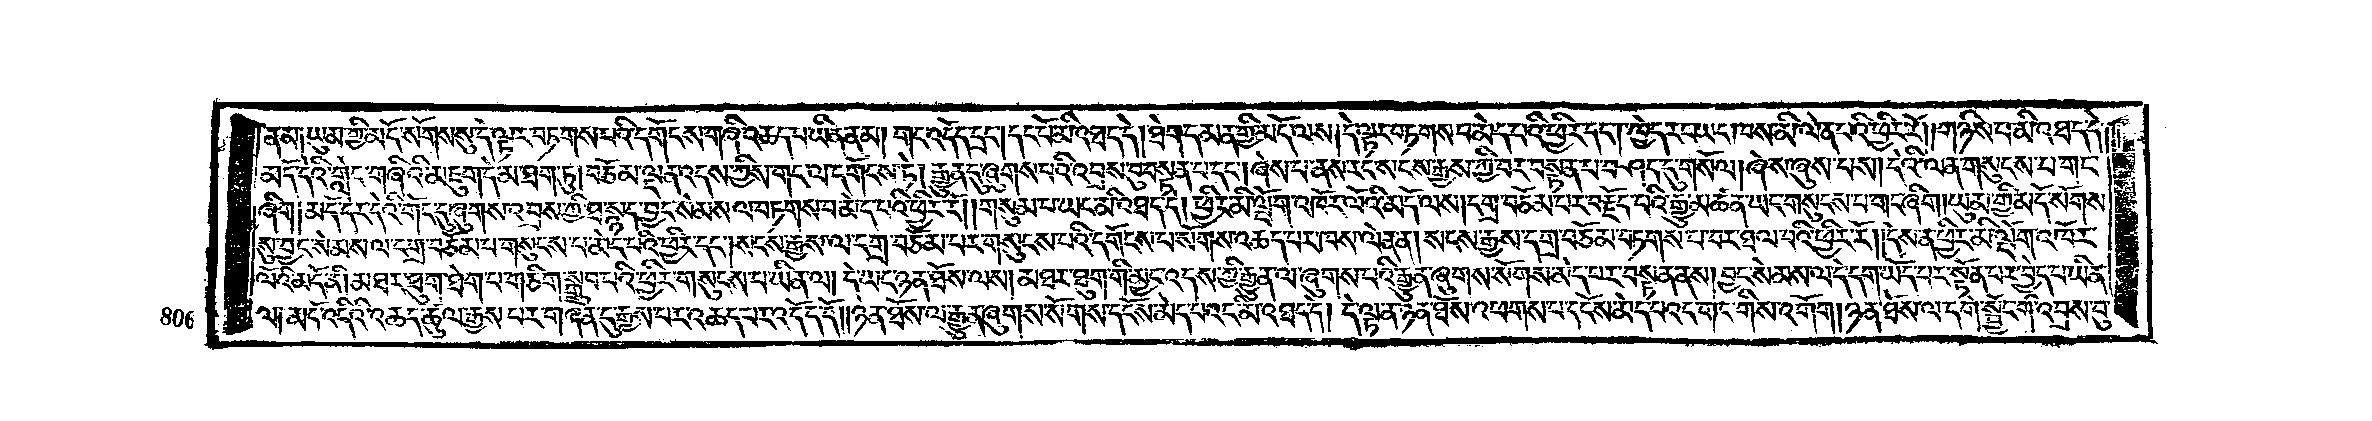ནམ༑ ཡུམ་གྱི་མདོ་སོགས་སུ་དེ་ལྟར་བཏགས་པའི་དགོངས་གཞི་འཆད་པ་ཡིན་ནམ། གང་འདོད་དྲང་། དང་པོ་མི་འཐད་དེ། ཐེག་དམན་གྱི་མདོ་ལས། དེ་ལྟར་བཏགས་པ་མེད་པའི་ཕྱིར་དང་། ཁྱེད་རང་ཡང་ཁས་མི་ལེན་པའི་ཕྱིར་རོ། །གཉིས་པ་མི་འཐད་དེ།
མདོ་དེའི་གླེང་གཞིའི་མཇུག་དེ་མ་ཐག་ཏུ། བཅོམ་ལྡན་འདས་ཀྱིས་གང་ལ་དགོངས་ཏེ། རྒྱུན་དུ་ཞུགས་པའི་འབྲས་བུ་བསྟན་པ་དང་། ཞེས་པ་ནས་རང་སངས་རྒྱས་ཀྱི་བར་བསྟན་པ་བཤད་དུ་གསོལ། ཞེས་ཞུས་པས། དེའི་ལན་གསུངས་པ་གང་
ཞིག། མདོ་དེར་དེའི་གོང་དུ་ཞུགས་འབྲས་ཀྱི་ཐ་སྙད་བྱང་སེམས་ལ་བཏགས་པ་མེད་པའི་ཕྱིར་རོ། །གསུམ་པ་ཡང་མི་འཐད་དེ། ཕྱིར་མི་ལྡོག་འཁོར་ལོའི་མདོ་ལས། དགྲ་བཅོམ་པར་བརྗོད་པའི་རྒྱུ་མཚན་ཡང་གསུངས་པ་གང་ཞིག །ཡུམ་གྱི་མདོ་སོགས་
སུ་བྱང་སེམས་ལ་དགྲ་བཅོམ་པ་གསུངས་པ་མེད་པའི་ཕྱིར་དང་། སངས་རྒྱས་ལ་དགྲ་བཅོམ་པར་གསུངས་པའི་དགོངས་པ་སོགས་འཆད་པར་ཁས་ལེན་ན། སངས་རྒྱས་དགྲ་བཅོམ་བཏགས་པ་བར་ཐལ་བའི་ཕྱིར་རོ། །དེས་ན་ཕྱིར་མི་ལྡོག་འཁོར་
ལོའི་མདོ་ནི། མཐར་ཐུག་ཐེག་པ་གཅིག་སྒྲུབ་པའི་ཕྱིར་གསུངས་པ་ཡིན་ལ། དེ་ཡང་ཉན་ཐོས་ལས། མཐར་ཐུག་གི་མྱང་འདས་ཀྱི་རྒྱུན་ལ་ཞུགས་པའི་རྒྱུན་ཞུགས་སོགས་མེད་པར་བསྟན་ནས། བྱང་སེམས་ལ་དེ་དག་ཡོད་པར་སྟོན་པར་བྱེད་པ་ཡིན་
ལ༑ མདོ་འདིའི་འཆད་ཚུལ་རྒྱས་པར་གཞན་དུ་རྒྱས་པར་འཆད་པར་འདོད་དོ། །ཉན་ཐོས་ལ་རྒྱུན་ཞུགས་སོགས་དངོས་མེད་པའང་མི་འཐད་དེ། དེ་ལྟ་ན་ཉན་ཐོས་འཕགས་པ་དངོས་མེད་པའང་གང་གིས་འགོག །ཉན་ཐོས་ལ་དགེ་སྦྱོང་གི་འབྲས་བུ་